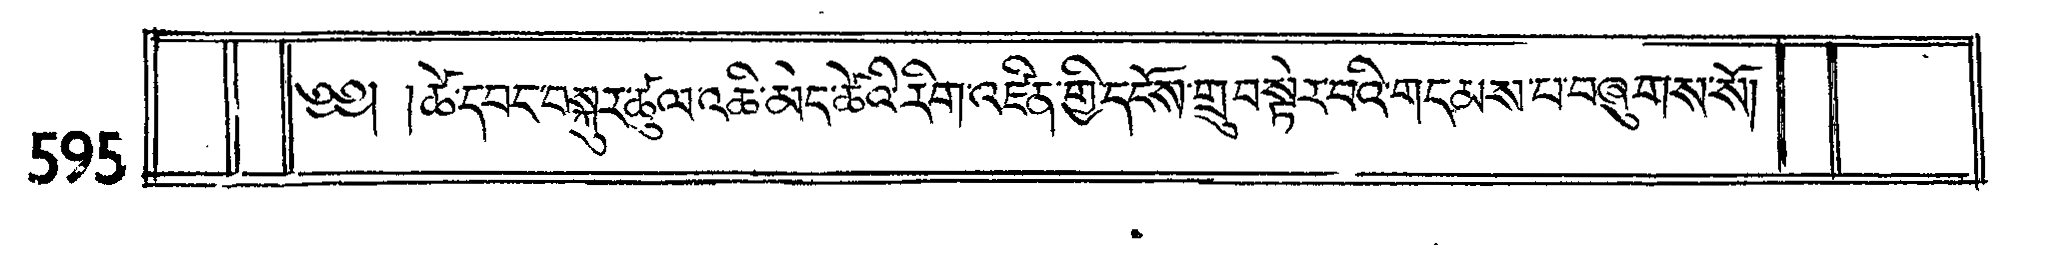༄༅། །ཚེ་དབང་བསྐུར་ཚུལ་འཆི་མེད་ཚེའི་རིག་འཛིན་གྱི་དངོས་གྲུབ་སྟེར་བའི་གདམས་པ་བཞུགས་སོ།